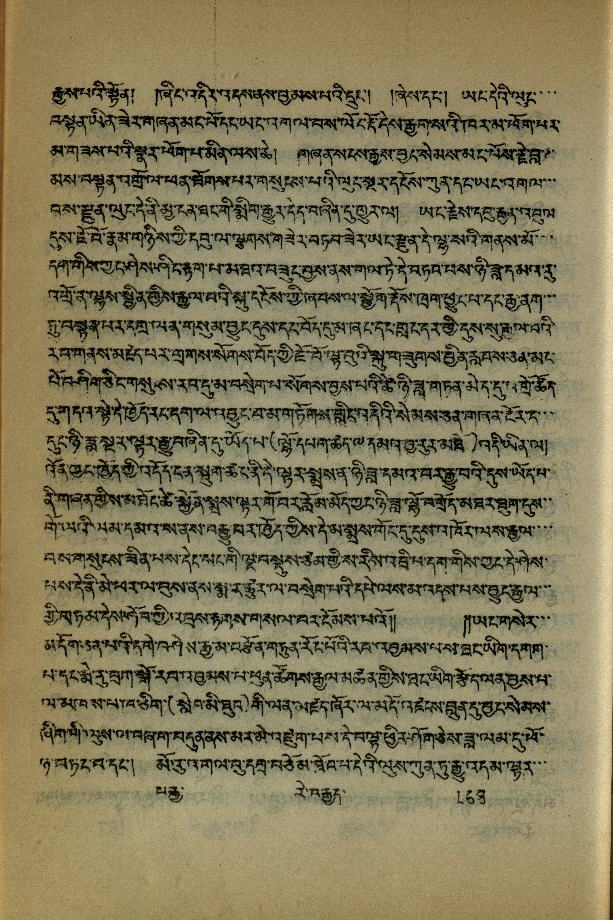རྒྱས་པའི་སྟོན། །ཞིང་འདིར་འདས་ནས་བྱམས་པའི་དྲུང་། །ཞེས་དང་། ཡང་དེའི་ལུང་
བསྟན་ཡིན་ཟེར་གཞན་མང་པོ་དང་ཡང་འགལ་བས་ལོང་རྡོ་དེས་རྒྱག་སའི་ཁར་མ་ཕོག་པར་
མ་གཟས་པའི་སྣར་ཕོག་པ་མིན་ལས་ཆེ། གཞན་སངས་རྒྱས་བྱང་སེམས་མང་པོས་རྗེ་བླ་
མས་བསྟན་འགྲོ་ལ་ཕན་ཐོགས་པར་གསུངས་པའི་ལུང་སྔར་དངོས་ཀུན་དང་ཡང་འགལ་
བས་རྫུན་ལུང་དེ་ནི་མྱ་ངན་ཐང་གི་སྨིག་རྒྱུར་དེད་བཞིན་དུ་གྱུར་ལ། ཡང་རྗེས་དབུ་རྒྱན་འབུལ་
དུས་ཇོ་བོ་རྣམ་གཉིས་ཀྱི་དབུ་ལ་ལྕགས་གཟེར་བཏབ་ཟེར་ཡང་རྫུན་དེ་ལྷ་སའི་གནས་མོ་
དག་གིས་ཀྱང་ཤེས་ཤིང་རྟག་པ་མཐའ་བཟུང་བྱས་ནས་གལ་ཏེ་དེ་བཏབ་པས་ཉི་ཟླ་དམའ་རུ་
འགྲོ་ན་ལྷས་སྦྱིན་གྱིས་རྒྱལ་བའི་སྐུ་དངོས་ཀྱི་ཞབས་ལ་སྒྱོག་རྡོས་ཁྲག་ཕྱུང་པ་དང་རྒྱ་ནག་
ཏུ་བསྟན་པར་དགྲ་ལན་གསུམ་བྱུང་དུས་དང་བོད་དུ་མ་ཞང་དང་གླང་དར་གྱི་དུས་སུ་རྒྱལ་བའི་
རབ་གནས་མཛད་པར་གྲགས་སོགས་བོད་ཀྱི་ཇོ་བོ་ལྟ་བུའི་སྐུ་གཟུགས་བྱིན་རླབས་ཅན་མང་
པོ་བཤིག་ཅིང་གསུངས་རབ་དུ་མ་བསྲེག་པ་སོགས་བྱས་པའི་ཚེ་ཉི་ཟླ་གཏན་མེད་དུ་འགྲོ་ཚོད་
དུ་གདའ་སྟེ་དེ་ཁྱོད་རང་དག་ལ་འབྱུང་བ་མ་གཏོགས་གླིང་འདིའི་སེམས་ཅན་གཞན་རྔོར་ད་
དུང་ཉི་ཟླ་སྔར་ལྟར་རྒྱུ་བཞིན་དུ་ཡོད་པ་ལྷོ་དཔག་ཚད ༧དམའ་བྱ་རུར་མཐོ་འདི་ཡིན་ལ།
འོན་ཀྱང་ཁྱོད་ཀྱི་འདོད་ངན་སྦུག་ཚང་ནི་དེ་ལྟར་སྨྲས་ན་ཉི་ཟླ་དམའ་བར་རྒྱུ་བའི་དུས་ཡོད་པ་
ནི་གཞན་གྱིས་མཐོང་ཚེ་སྐྱོན་སྨྲས་ལྟར་གོ་བར་རློམ་མོད་ཀྱང་ཉི་ཟླ་ལྷོ་བགྲོད་མཐར་ཐུག་དུས་
གོ་ལའི་ལམ་དམའ་ས་ནས་བརྒྱུ་བར་ཁྱོད་ཀྱིས་དེ་མ་སྨྲས་གོང་དུ་དུས་འཁོར་ལས་རྒྱལ་
བས་གསུངས་ཟིན་པས་དེང་སང་གི་ལྔ་བསྡུས་ཙམ་གྱི་ས་རིས་འབྲི་པ་དག་གིས་ཀྱང་དེ་ཤེས་
པས་དེ་ནི་མེ་ཕར་ལ་བུས་ནས་སྨ་ར་ཚུར་ལ་བསྲེག་པའི་དཔེ་ལས་མ་འདས་པས་བྱུང་རྒྱལ་
གྱི་གཏམ་དེས་ཤོབ་ཀྱི་འབྲས་རྟགས་གསལ་བར་ངོམས་པའོ།། །།ཡང་གསེར་
མདོག་ཅན་པའི་དགེ་བཤེས་རྒྱ་མ་བརྩོན་གཏུན་རིང་པོའི་རབ་འབྱམས་པས་ཐང་ཡིག་དགག་
པ་དང་རྨེ་ནུ་བྲག་སྒོ་རབ་འབྱམས་པ་ཕུན་ཚོགས་རྒྱལ་མཚན་གྱིས་ཐང་ཡིག་རྩོད་ལན་བྱས་པ་
ལ་མཁས་པ་ཁ་ཅིག་སླེབ་མི་ཐུབ་གི་ལན་མཛད་ཞོར་ལ་མདོ་འཛངས་བླུན་དུ་བྱང་སེམས་
ཞིག་གི་ལུས་ལ་བཞག་བདུན་ནས་མར་མེ་འཛུག་པས་དེ་བལྟ་ཕྱིར་ཤོག་ཅེས་ཟླ་ལམ་དུ་ཕོ་
ཉ་བཏང་བ་དང་། མོའུ་འགལ་བུ་དགྲ་བཅོམ་ཐོབ་པ་དེའི་ལུས་ཀུན་ཏུ་རྒྱུ་འདམ་ལྟར་